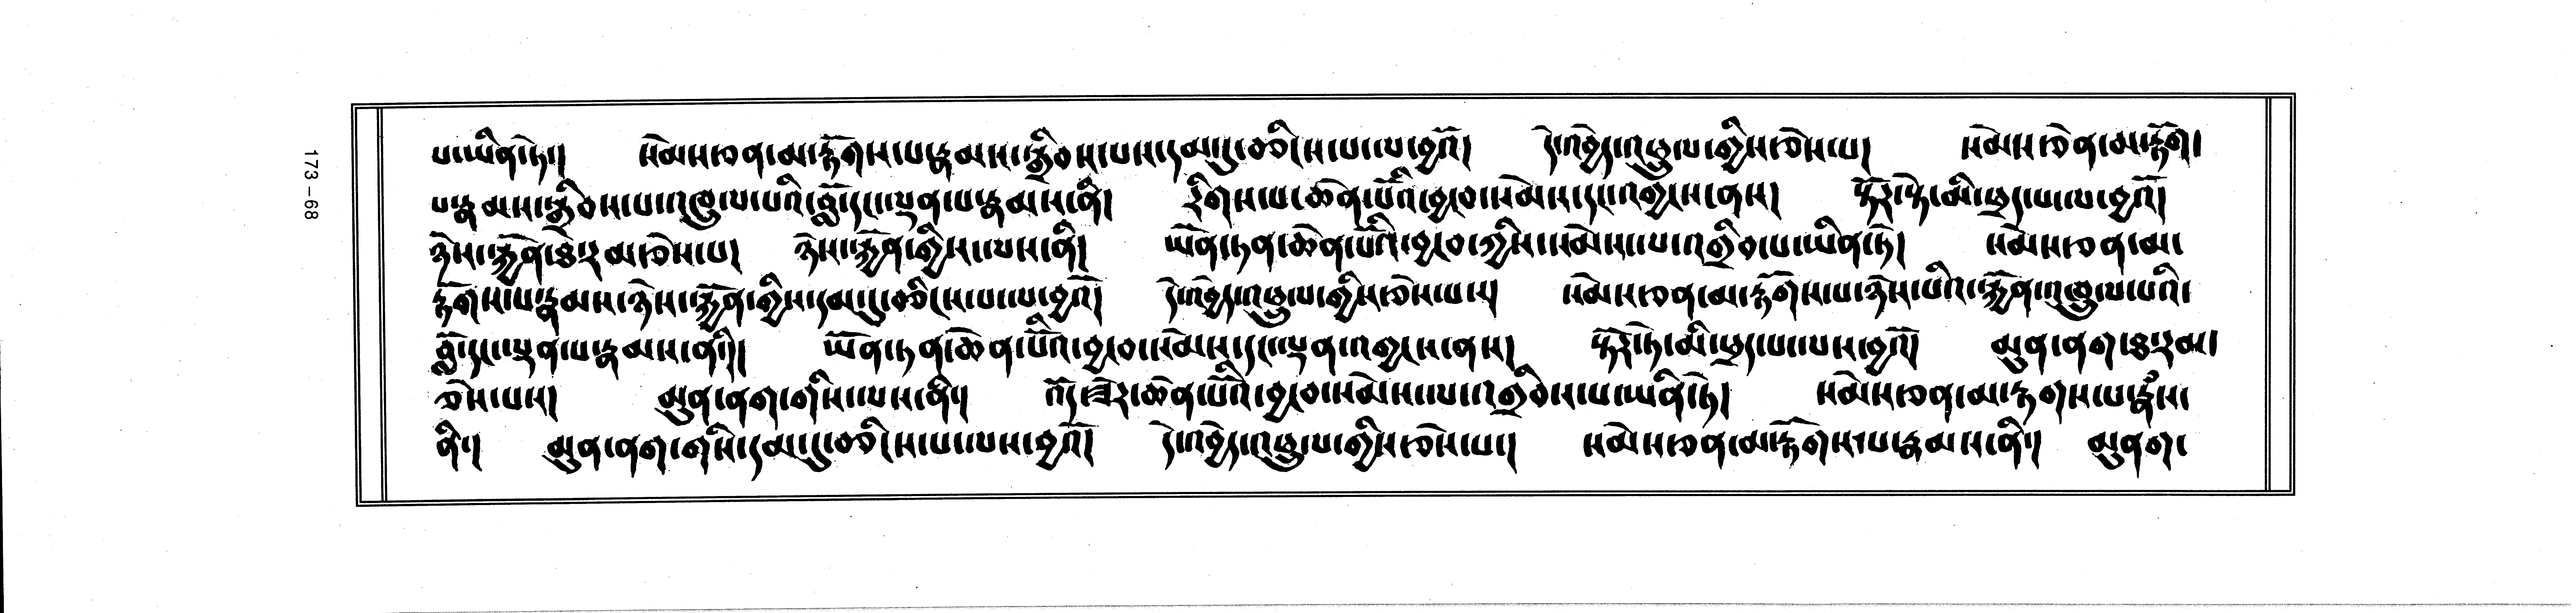པ་ཡིན་ཏེ། སེམས་ཅན་མ་རྟོགས་པ་རྣམས་སྒྲིབ་པས་དམ་དུ་བཅིངས་པ་ལ་བྱའོ། །དེ་འབྱེད་འཕྲུལ་གྱིས་ཅེས་པ། སེམས་ཅན་མ་རྟོགས་
པ་སྒྲིབ་པ་འཁྲུལ་པའི་བློ་དང་ལྡན་པ་རྣམས་ནི། རིག་པ་ཆེན་པོའི་བྱང་ཆུབ་སེམས་དང་འགྱངས་ནས་སྟོར་ཏེ་མི་འཕྲད་པ་ལ་བྱའོ། 
ཉེས་སྐྱོན་ཐ་རམ་ཅེས་པ། ཉེས་སྐྱོན་གྱི་ལས་ནི། ཡོན་ཏན་ཆེན་པོའི་བྱང་ཆུབ་ཀྱི་སེམས་ལ་འགྲིབ་པ་ཡིན་ཏེ། སེམས་ཅན་མ་
རྟོགས་པ་རྣམས་ཉེས་སྐྱོན་གྱིས་དམ་དུ་བཅིངས་པ་ལ་བྱའོ། །དེ་འབྱེད་འཕྲུལ་གྱི་ལྡེ་མིག་ཅེས་པས། སེམས་ཅན་མ་རྟོགས་པ་ཉེས་པའི་སྐྱོན་འཁྲུལ་པའི་
བློ་དང་ལྡན་པ་རྣམས་ནི། ཡོན་ཏན་ཆེན་པོའི་བྱང་ཆུབ་སེམས་དང་འགྱངས་ནས་སྟོར་ཏེ་མི་འཕྲད་པ་ལ་བྱའོ། །མུན་ནག་ཐ་རམ་
ཅེས་པས། མུན་ནག་གི་ལས་ནི། འོད་ཟེར་ཆེན་པོའི་བྱང་ཆུབ་སེམས་ལ་འགྲིབ་པ་ཡིན་ཏེ། སེམས་ཅན་མ་རྟོགས་པ་རྣམས་
མུན་ནག་གིས་དམ་དུ་བཅིངས་པ་ལ་བྱའོ། །དེ་འབྱེད་འཕྲུལ་གྱིས་ཅེས་པས། སེམས་ཅན་མ་རྟོགས་པ་རྣམས་ནི་མུན་ནག་